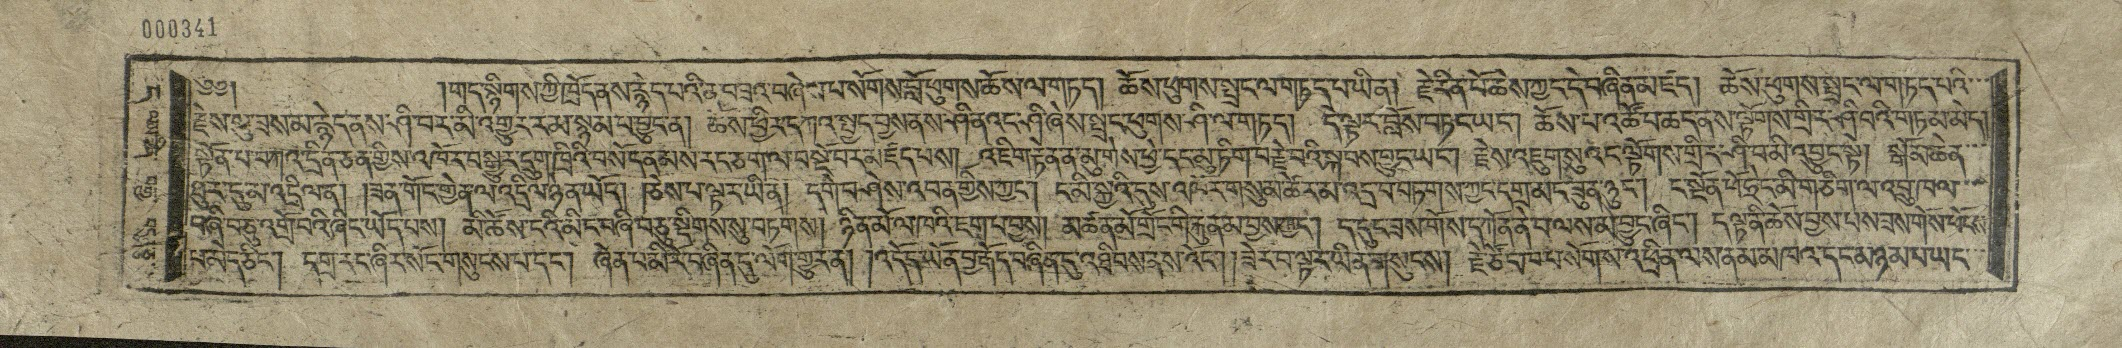༄༅། །གད་སྙིགས་ཀྱི་ཁྲོད་ནས་རྙེད་པའི་ན་བཟའ་བཞེས་པ་སོགས་བློ་ཕུགས་ཆོས་ལ་གཏད། ཆོས་ཕུགས་སྤྲང་ལ་གཏད་པ་ཡིན། རྗེ་རིན་པོ་ཆེས་ཀྱང་དེ་བཞིན་མཛད། ཆོས་ཕུགས་སྤྲང་ལ་གཏད་པའི་
རྗེས་སུ་ཟས་མ་རྙེད་ནས་ཤི་བར་མི་འགྱུར་རམ་སྙམ་པ་བྱུང་ན། ཆོས་ཕྱིར་དཀའ་སྤྱད་བྱས་ནས་ཤི་ནའང་ཤི་ཞེས་སྤྲང་ཕུགས་ཤི་ལ་གཏད། དེ་ལྟར་བློས་བཏང་ཡང་། ཆོས་པ་འཚོ་བ་ཆད་ནས་ལྟོགས་གྲིར་ཤི་བའི་གཏམ་མེད།
སྟོན་པ་བཀའ་དྲིན་ཅན་གྱིས་འཁོར་བསྒྱུར་དྲུག་ཁྲིའི་བསོད་ནམས་རང་ཅག་ལ་བསྔོ་བར་མཛད་པས། འཇིག་རྟེན་ན་མུ་གེས་ཕྱེ་དང་མུ་ཏིག་བརྗེ་བའི་སྐབས་བྱུང་ཡང་། རྗེས་འཇུག་སུའང་ལྟོགས་གྲིར་ཤི་བ་མི་འབྱུང་སྟེ། སྒོམ་ཆེན་
ཐུར་དུ་མ་འདྲིལ་ན། །ཟན་གོང་གྱེན་ལ་འདྲིལ་ཉེན་ཡོད། །ཅེས་པ་ལྟར་ཡིན། དགེ་བཤེས་འབན་གྱིས་ཀྱང་། ང་མི་སྐྱའི་དུས་འཁོར་གསུམ་ཚེར་མ་འདྲ་བ་བཏགས་ཀྱང་དགྲ་མང་ཟུན་ཉུང་། ང་སྔོན་ཕོ་ཧྲེང་མི་གཅིག་ལ་འབྲུ་ཁལ་
བཞི་བཅུ་འགྲོ་བའི་ཞིང་ཡོད་པས། མི་ཚོས་ངའི་མིང་བཞི་བཅུ་སྡིགས་སུ་བཏགས། ཉིན་མོ་ལ་ཁའི་ཇག་པ་བྱས། མཚན་མོ་གྲོང་གི་རྐུན་མ་བྱས་ཀྱང་། ད་དུང་ཟས་གོས་དཀོན་ནེ་བ་ལས་མ་བྱུང་ཞིང་། ད་ལྟ་ནི་ཆོས་བྱས་པས་ཟས་གོས་ཕོངས་
པ་མེད་ཅིང་། དགྲ་རང་ཞིར་སོང་གསུངས་པ་དང་། ཞེན་པ་མི་རོ་བཞིན་དུ་ལོག་གྱུར་ན། །འདོད་ཡོན་བྱ་རྒོད་བཞིན་དུ་འཐིབས་ནས་འོང་། །ཟེར་བ་ལྟར་ཡིན་གསུངས། རྗེ་ཙོང་ཁ་པ་སོགས་འཕྲིན་ལས་ནམ་མཁའ་དང་མཉམ་པ་ཡང་